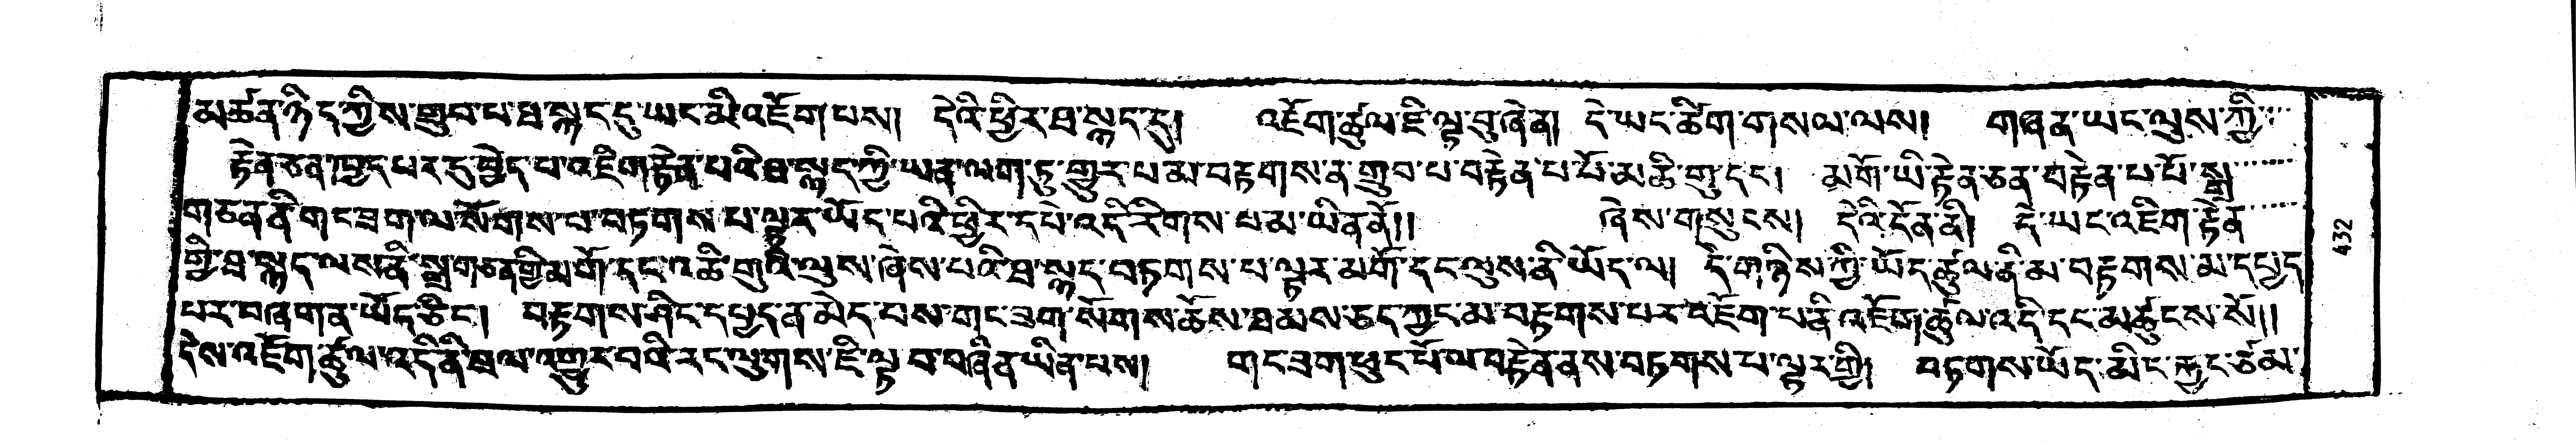མཚན་ཉིད་ཀྱིས་གྲུབ་པ་ཐ་སྙད་དུ་ཡང་མི་འཇོག་པས། དེའི་ཕྱིར་ཐ་སྙད་དུ། འཇོག་ཚུལ་ཇི་ལྟ་བུ་ཞེ་ན། དེ་ཡང་ཚིག་གསལ་ལས། གཞན་ཡང་ལུས་ཀྱི་
རྟེན་ཅན་ཁྱད་པར་དུ་བྱེད་པ་འཇིག་རྟེན་པའི་ཐ་སྙད་ཀྱི་ཡན་ལག་ཏུ་གྱུར་པ་མ་བརྟགས་ན་གྲུབ་པ་བརྟེན་པ་པོ་མཆི་གུ་དང་། མགོ་ཡི་རྟེན་ཅན་བརྟེན་པ་པོ་སྒྲ་
གཅན་ནི་གང་ཟག་ལ་སོགས་པ་བཏགས་པ་ལྟར་ཡོད་པའི་ཕྱིར་དཔེ་འདི་རིགས་པ་མ་ཡིན་ནོ། །ཞེས་གསུངས། དེའི་དོན་ནི། དེ་ཡང་འཇིག་རྟེན་
གྱི་ཐ་སྙད་ལས་ནི་སྒྲ་གཅན་གྱི་མགོ་དང་འཆི་གུའི་ལུས་ཞེས་པའི་ཐ་སྙད་བཏགས་པ་ལྟར་མགོ་དང་ལུས་ནི་ཡོད་ལ། དེ་གཉིས་ཀྱི་ཡོད་ཚུལ་ནི་མ་བརྟགས་མ་དཔྱད་
པར་བཞག་ན་ཡོད་ཅིང་། བརྟགས་ཤིང་དཔྱད་ན་མེད་པས་གང་ཟག་སོགས་ཆོས་ཐམས་ཅད་ཀྱང་མ་བརྟགས་པར་འཇོག་པ་ནི་འཇོག་ཚུལ་འདི་དང་མཚུངས་སོ། །
དེས་འཇོག་ཚུལ་འདི་ནི་ཐལ་འགྱུར་བའི་རང་ལུགས་ཇི་ལྟ་བ་བཞིན་ཡིན་པས། གང་ཟག་ཕུང་པོ་ལ་བརྟེན་ནས་བཏགས་པ་ལྟར་གྱི། བཏགས་ཡོད་མིང་རྐྱང་ཙམ་